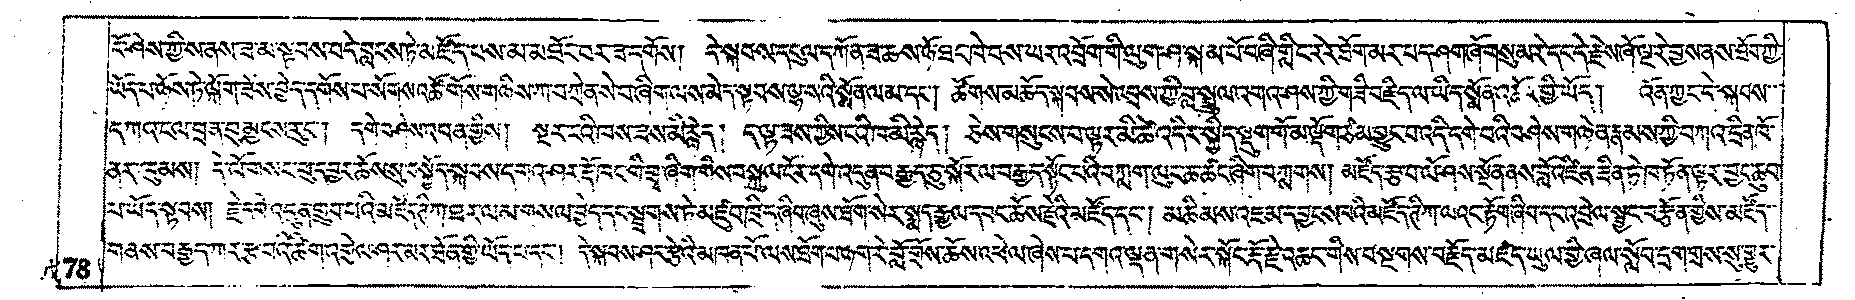ངོ་ཤེས་ཀྱི་ས་ནས་ཟ་མ་སྟབས་བདེ་བླངས་ཏེ་མཛོད་པས་མ་མཐོང་བར་ཟ་དགོས། དེ་སྐབས་དངུལ་དཀོན་ཟ་ཆས་ཉོ་ཐང་ཁེ་བས་ཡར་འབྲོག་གི་ལུག་ཤ་སྐམ་པོ་བཞི་གླིང་རེར་ཐོག་མར་པད་ཤག་ཞོ་གསུམ་རེ་དང་དེ་རྗེས་ཞོ་ལྔ་རེ་བྱས་ནས་ཐོབ་ཀྱི་
ཡོད་པ་ཉོས་ཏེ་ལྐོག་ཟོས་བྱེད་དགོས་པ་སོགས་འཚོ་གོས་གཉིས་ཀ་བཀྲེན་སེ་བ་ཞིག་ལས་མེད་སྟབས་ལྷ་སའི་སྨོན་ལམ་དང་། ཚོགས་མཆོད་སྐབས་སེ་འབྲས་ཀྱི་བླ་སྤྲུལ་འགའ་ཤས་ཀྱི་གཟི་བརྗིད་ལ་ཡིད་སྨོན་འཆོར་གྱི་ཡོད། འོན་ཀྱང་དེ་སྐབས་
དཀའ་ངལ་ཕྲན་བུ་མྱངས་རུང་། དགེ་བཤེས་འབན་གྱིས། སྔར་ངའི་ཁས་ཟས་མི་རྙེད། ད་ལྟ་ཟས་ཀྱིས་ངའི་ཁ་མི་རྙེད། ཅེས་གསུངས་པ་ལྟར་མི་ཚེ་འདིར་སྐྱིད་སྡུག་གོ་མ་ལྡོག་ཙམ་བྱུང་བ་འདི་དགེ་བའི་བཤེས་གཉེན་རྣམས་ཀྱི་བཀའ་དྲིན་ཁོ་
ནར་ཁུམས། དེ་ལོ་གསང་ཕུ་དབྱར་ཆོས་སུ་བསྐྱོད་སྐབས་དགའ་ཤར་རྡོ་ཁང་གི་གྲྭ་ཞིག་གིས་བསྐུལ་ངོར་དགེ་འདུན་བརྒྱད་ཅུ་སྐོར་ལ་བརྒྱད་སྟོང་པའི་བཀླག་ལུང་ཆ་ཚང་ཞིག་བཀླགས། མཛོད་རྩ་བ་ལོ་ཤས་སྔོན་ནས་བློ་འཛིན་ཟིན་ཏེ་ཁ་ཏོན་ལྟར་བྱང་ཆུབ་
པ་ཡོད་སྟབས། རྗེ་དགེ་འདུན་གྲུབ་པའི་མཛོད་ཊིཀ་ཐར་ལམ་གསལ་བྱེད་དང་སྦྲགས་ཏེ་མཛུབ་ཁྲིད་ཞིབ་ཞུས་ཐོག་སེར་སྨད་རྒྱལ་དབང་ཆོས་རྗེའི་མཛོད་དང་། མཆིམས་འཇམ་དབྱངས་པའི་མཛོད་ཊིཀ་ལའང་རྟོག་ཞིབ་དང་འབྲེལ་སྦྱང་བརྩོན་གྱིས་མཛོད་
གནས་བརྒྱད་ཀར་རྩ་བའི་ཚིག་འགྲེལ་ཤར་མར་ཐོན་གྱི་ཡོད་པ་དང་། དེ་སྐབས་ཤར་རྩེའི་མཁན་པོ་ལས་ཐོག་པ་ཉག་རེ་བློ་གྲོས་ཆོས་འཕེལ་ཞེས་པ་དགའ་ལྡན་གསེར་སྐོང་རྡོ་རྗེ་འཆང་གིས་བསྔགས་བརྗོད་མཛད་ཡུལ་གྱི་ཞལ་སློབ་དྲག་གྲས་སུ་གྱུར་